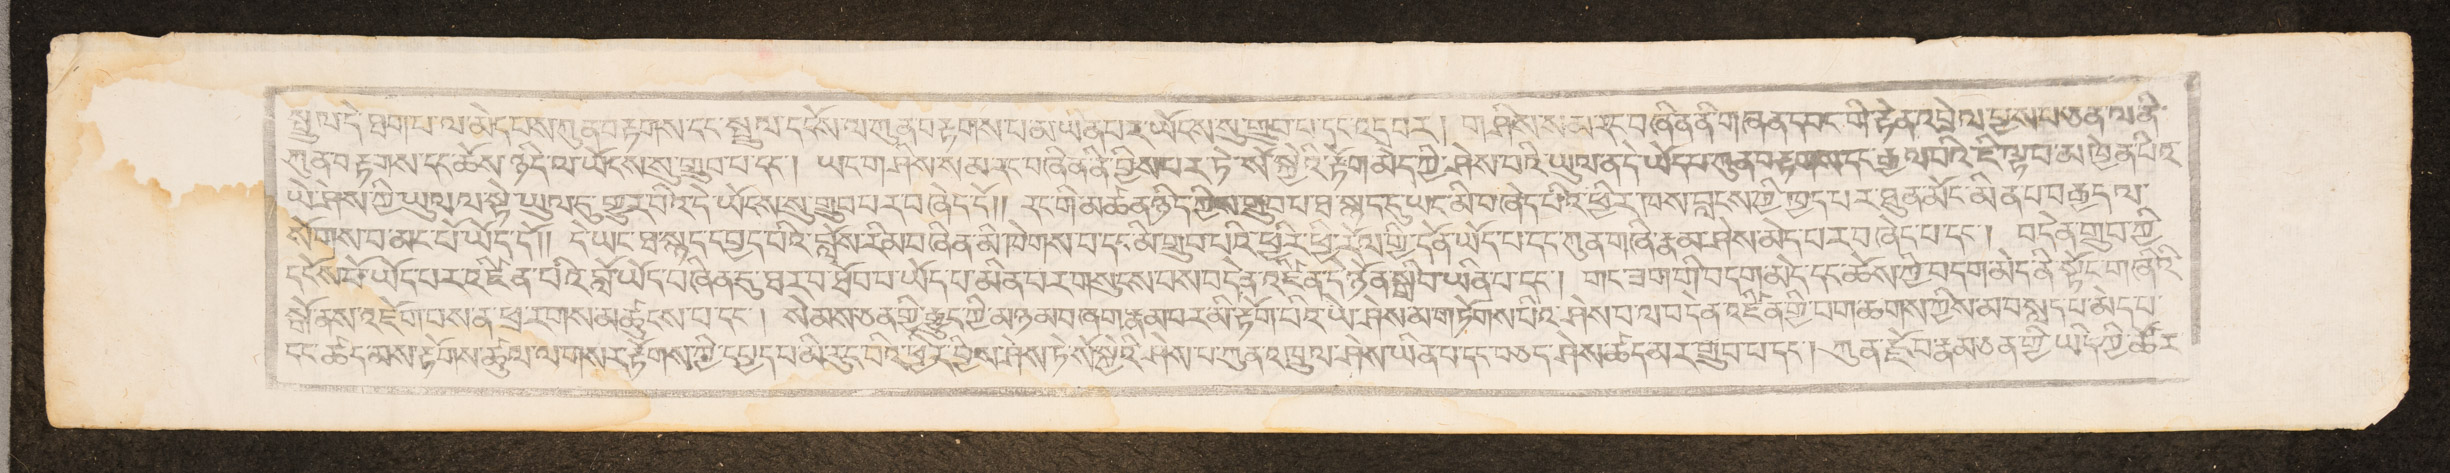སྦྲུལ་དེ་ཐག་པ་ལ་མེད་པས་ཀུན་བརྟགས་དང་སྦྲུལ་དངོས་ལ་ཀུན་བརྟགས་པ་མ་ཡིན་པར་ཡོངས་སུ་གྲུབ་པ་དང་འདྲ་བར། གཤིས་སམ་རང་བཞིན་ནི་གཞན་དབང་གི་རྟེན་འབྲེལ་བྱས་པ་ཅན་ལ་ནི་
ཀུན་བརྟགས་དང་ཆོས་ཉིད་ལ་ཡོངས་སུ་གྲུབ་པ་དང་། ཡང་གཤིས་སམ་རང་བཞིན་ནི་བྱིས་པར་ཏེ་སོ་སྐྱེའི་རྟོག་མེད་ཀྱི་ཤེས་པའི་ཡུལ་ན་དེ་ཡོད་པ་ཀུན་བརྟགས་དང་རྒྱལ་བའི་ཇི་ལྟ་བ་མཁྱེན་པའི་
ཡེ་ཤེས་ཀྱི་ཡུལ་ལ་སྟེ་ཡུལ་དུ་གྱུར་བའི་དེ་ཡོངས་སུ་གྲུབ་པར་བཞེད་དོ། །རང་གི་མཚན་ཉིད་ཀྱིས་གྲུབ་པ་ཐ་སྙད་དུ་ཡང་མི་བཞེད་པའི་ཕྱིར་ཁས་བླངས་ཀྱི་ཁྱད་པར་ཐུན་མོང་མིན་པ་བརྒྱད་ལ་
སོགས་པ་མང་པོ་ཡོད་དོ།། དེ་ཡང་ཐ་སྙད་དཔྱད་པའི་བློས་རིམ་བཞིན་མི་ཁེགས་པ་དང་མི་གྲུབ་པའི་ཕྱིར་ཕྱི་རོལ་གྱི་དོན་ཡོད་པ་དང་ཀུན་གཞི་རྣམ་ཤེས་མེད་པར་བཞེད་པ་དང་། བདེན་གྲུབ་ཀྱི་
དངོས་པོ་ཡོད་པར་འཛིན་པའི་བློ་ཡོད་བཞིན་དུ་ཐར་བ་ཐོབ་པ་ཡོད་པ་མིན་པར་གསུངས་པས་བདེན་འཛིན་དེ་ཉོན་སྒྲིབ་ཡིན་པ་དང་། གང་ཟག་གི་བདག་མེད་དང་ཆོས་ཀྱི་བདག་མེད་ནི་སྟོང་གཞིའི་
སྒོ་ནས་འཇོག་པས་ན་ཕྲ་རགས་མཚུངས་པ་དང་། སེམས་ཅན་གྱི་རྒྱུད་ཀྱི་མཉམ་བཞག་རྣམ་པར་མི་རྟོག་པའི་ཡེ་ཤེས་མ་གཏོགས་པའི་ཤེས་པ་ལ་བདེན་འཛིན་གྱི་བག་ཆགས་ཀྱིས་མ་བསླད་པ་མེད་པ་
དང་ཚད་མས་རྟོགས་ཚུལ་ལ་གསར་རྟོགས་ཀྱི་དཔྱད་པ་མི་རུང་བའི་ཕྱིར་བྱིས་ཤེས་ཏེ་སོ་སྐྱེའི་ཤེས་པ་ཀུན་འཁྲུལ་ཤེས་ཡིན་པ་དང་བཅད་ཤེས་ཚད་མར་གྲུབ་པ་དང་། ཀུན་རྫོབ་རྣམ་ཅན་གྱི་ཡིད་ཀྱི་ཚོར་